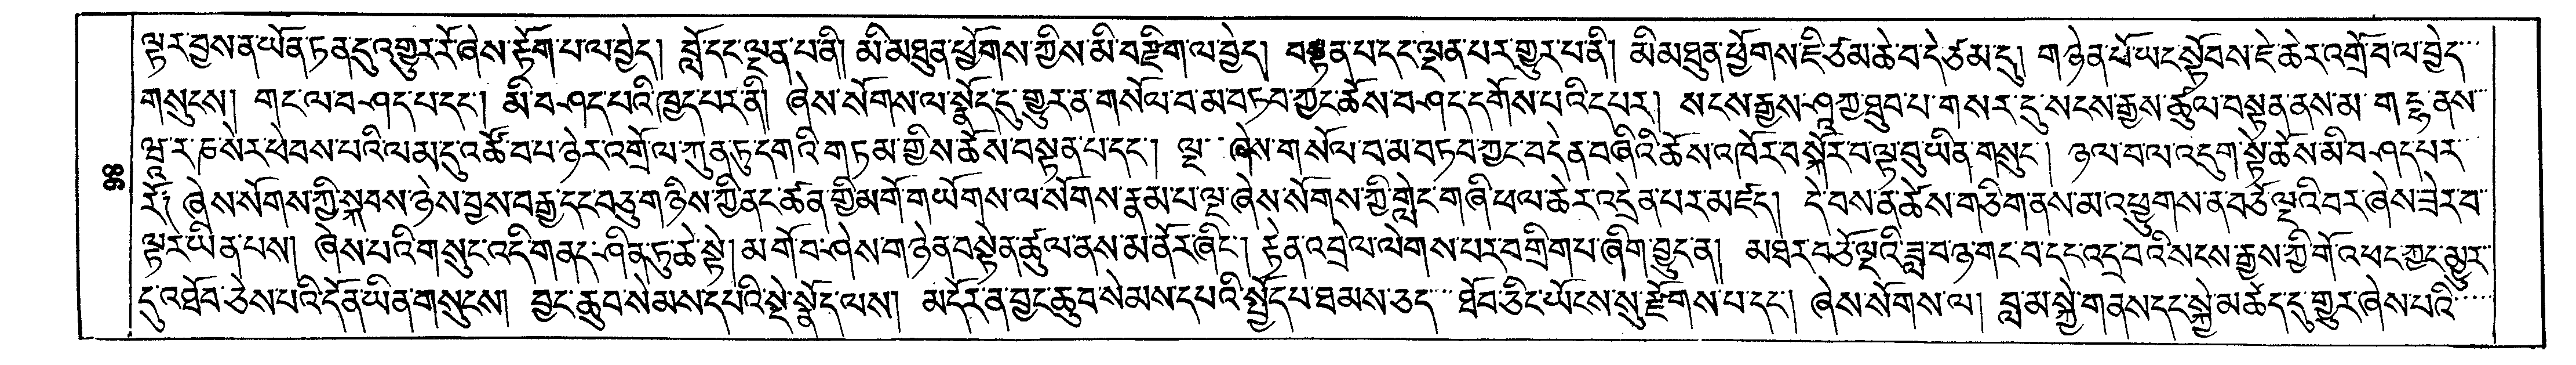ལྟར་བྱས་ན་ཡོན་ཏན་དུ་འགྱུར་རོ་ཞེས་རྟོག་པ་ལ་བྱེད། བློ་དང་ལྡན་པ་ནི། མི་མཐུན་ཕྱོགས་ཀྱིས་མི་བརྫི་བ་ལ་བྱེད། བརྟན་བ་དང་ལྡན་པར་གྱུར་པ་ནི། མི་མཐུན་ཕྱོགས་ཇི་ཙམ་ཆེ་བ་དེ་ཙམ་དུ། གཉེན་པོ་ཡང་སྟོབས་ཇེ་ཆེར་འགྲོ་བ་ལ་བྱེད་
གསུངས། གང་ལ་བཤད་པ་དང་། མི་བཤད་པའི་ཁྱད་པར་ནི། ཞེས་སོགས་ལ་སྣོད་དུ་གྱུར་ན་གསོལ་བ་མ་བཏབ་ཀྱང་ཆོས་བཤད་དོགས་པའི་དཔེར། སངས་རྒྱས་ཤཱཀྱ་ཐུབ་པ་གསར་དུ་སངས་རྒྱས་ཚུལ་བསྟན་ནས་མ་ག་དྷ་ནས་
ཝཱ་ར་ཎ་སེར་ཕེབས་པའི་ལམ་དུ་འཚོ་བ་པ་ཉེར་འགྲོ་ལ་ཀུན་ཏུ་དགའི་གཏམ་གྱིས་ཆོས་བསྟན་པ་དང་། ལྔ་སྡེས་གསོལ་བ་མ་བཏབ་ཀྱང་བདེན་བཞིའི་ཆོས་འཁོར་བསྐོར་བ་ལྟ་བུ་ཡིན་གསུང་། ཉལ་བ་ལ་འདུག་སྟེ་ཆོས་མི་བཤད་པར་
རོ། ཞེས་སོགས་ཀྱི་སྐབས་ཉེས་བྱས་བརྒྱ་དང་བཅུ་གཉིས་ཀྱི་ནང་ཚན་གྱི་མགོ་གཡོགས་ལ་སོགས་རྣམ་པ་ལྔ་ཞེས་སོགས་ཀྱི་གླེང་གཞི་ཕལ་ཆེར་འདྲེན་པར་མཛད། དེ་བས་ན་ཚེས་གཅིག་ནས་མ་འཕྱུགས་ན་བཅོ་ལྔའི་བར་ཞེས་ཟེར་བ་
ལྟར་ཡིན་པས། ཞེས་པའི་གསུང་འདི་གནད་ཤིན་ཏུ་ཆེ་སྟེ། མགོ་བཤེས་གཉེན་བསྟེན་ཚུལ་ནས་མ་ནོར་ཞིང་། རྟེན་འབྲེལ་ལེགས་པར་འགྲིག་པ་ཞིག་བྱུང་ན། མཐར་བཅོ་ལྔའི་ཟླ་བ་ཉ་གང་བ་དང་འདྲ་བའི་སངས་རྒྱས་ཀྱི་གོ་འཕང་ཀྱང་མྱུར་
དུ་འཐོབ་ཅེས་པའི་དོན་ཡིན་གསུངས། བྱང་ཆུབ་སེམས་དཔའི་སྡེ་སྣོད་ལས། མདོར་ན་བྱང་ཆུབ་སེམས་དཔའི་སྤྱོད་པ་ཐམས་ཅད་ཐོབ་ཅིང་ཡོངས་སུ་རྫོགས་པ་དང་། ཞེས་སོགས་ལ། བླ་མ་སྐྱེ་གནས་དང་སྐྱེ་མཆེད་དུ་གྱུར་ཞེས་པའི་